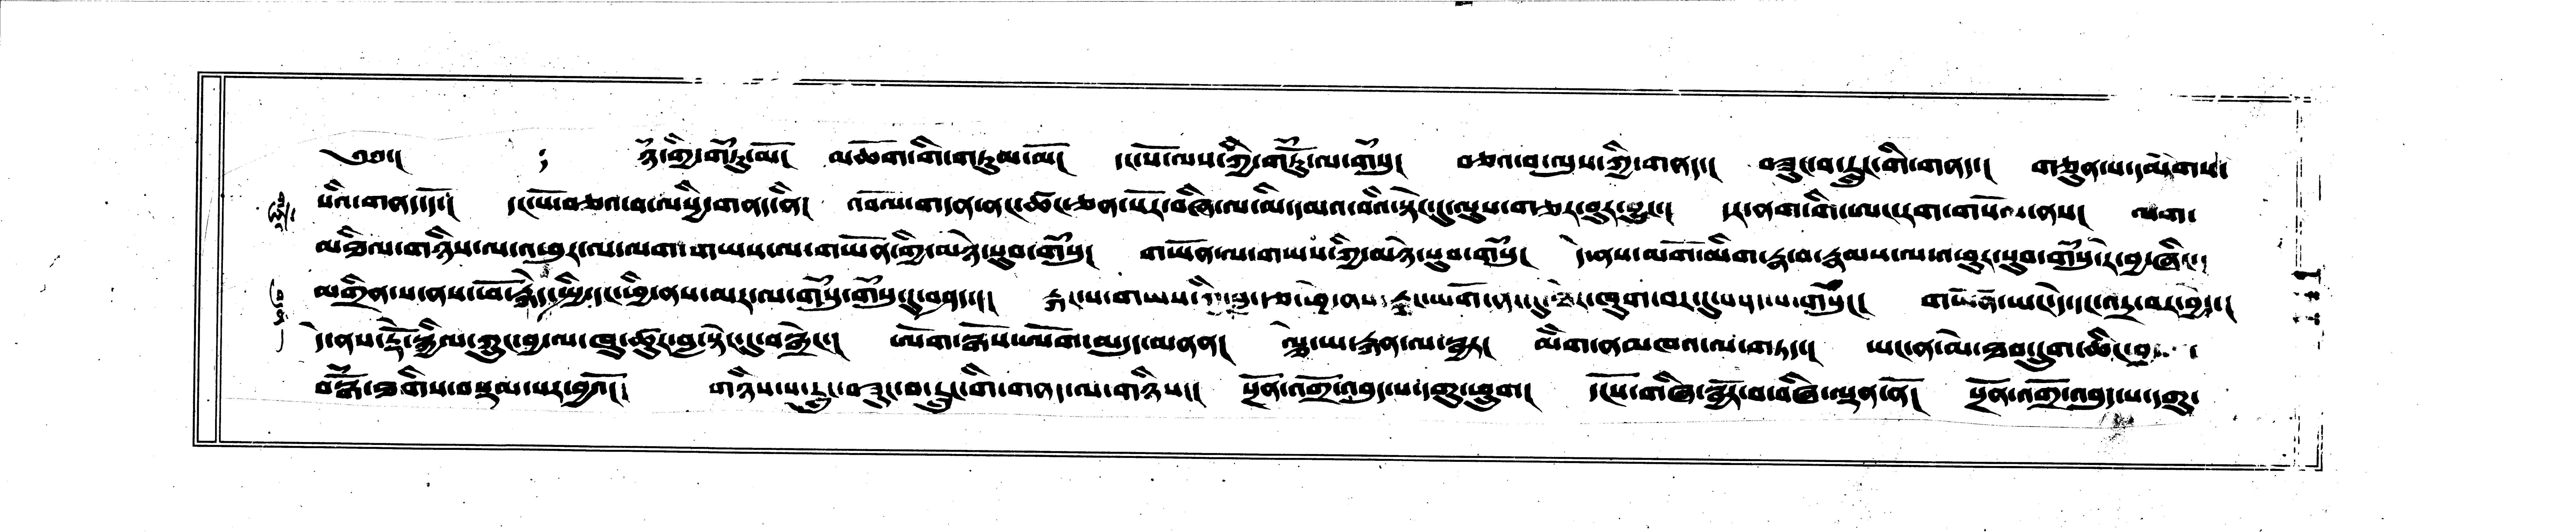ཉམས་ཀྱི་གཏུམ་མོ། མཆོག་གི་གཏུམ་མོའོ། །དང་པོ་ལས་ཀྱི་གཏུམ་མོ་ལ་གསུམ་ལ་གསུམ། བཅའ་བ་ལུས་ཀྱི་གནད། བཟུང་བ་རླུང་གི་གནད། གཅུན་པ་དམིགས་
པའི་གནད་དོ། །དང་པོ་བཅའ་བ་ལུས་ཀྱི་གནད་ནི། འབོལ་གདན་ནང་ཚང་ཅན་སོར་བཞི་ལ་མི་དམའ་བའི་སྟེང་དུ་ལུས་གཅེར་བུར་ཕྱུང་། དར་ནག་གི་ཨང་རག་གསོལ་ནས། ལག་
མཐིལ་གཉིས་ལ་འཕུར་ལ་ལག་གཡས་ལ་གཡོན་གྱི་གཉེ་སུབ་གསུམ། གཡོན་ན་ལ་གཡས་ཀྱིས་གཉེ་སུམ་གསུམ། དེ་ནས་མགོ་མིག་རྣ་བ་རྣམས་ལ་འཕུར་སུབ་གསུམ་རེ་བྱ་ཞིང་། 
མགྲིན་པ་ནས་ཕོ་རྐེད་སྤྱི་དང་ཕྱི་ནས་མར་ལ་གསུམ་གསུམ་དུ་བཤད། རྐང་པ་གཡས་ཀྱི་བརླ་རྩ་ཕྱེ་ནས་རྐྱང་མགོ་ནང་དུ་ཐེར་ཁུག་བར་དུ་བཤད་པ་གསུམ། གཡོན་ཡང་དེ་དང་འདྲ་བར་བྱེད།
 དེ་ནས་རྡོ་རྗེ་སྐྱིལ་དཀྲུང་བྱ་ལ། ཁུ་ཚུར་བླ་སྟེང་དུ་བསྒྲེངས། ཨོག་སྒོས་ཨོག་མདུད་མནན། ལྕེ་ཡ་རྐན་ལ་སྦྱར། མིག་ནམ་མཁའ་ལ་གཏད། ཡང་ན་མེ་ཐབ་དྲུག་ཆིངས་བྱས།
 སྒོམ་ཐག་གིས་བསྡམ་པར་བྱའོ། །གཉིས་པ་བཟུང་བ་རླུང་གི་གནད་ལ་གཉིས། སྔོན་འགྲོ་འབུད་པ་དགུ་ཕྲུག དངོས་གཞི་སྦྱོར་བ་བཞི་ལྡན་ནོ། །སྔོན་འགྲོ་འབུད་པ་དགུ་